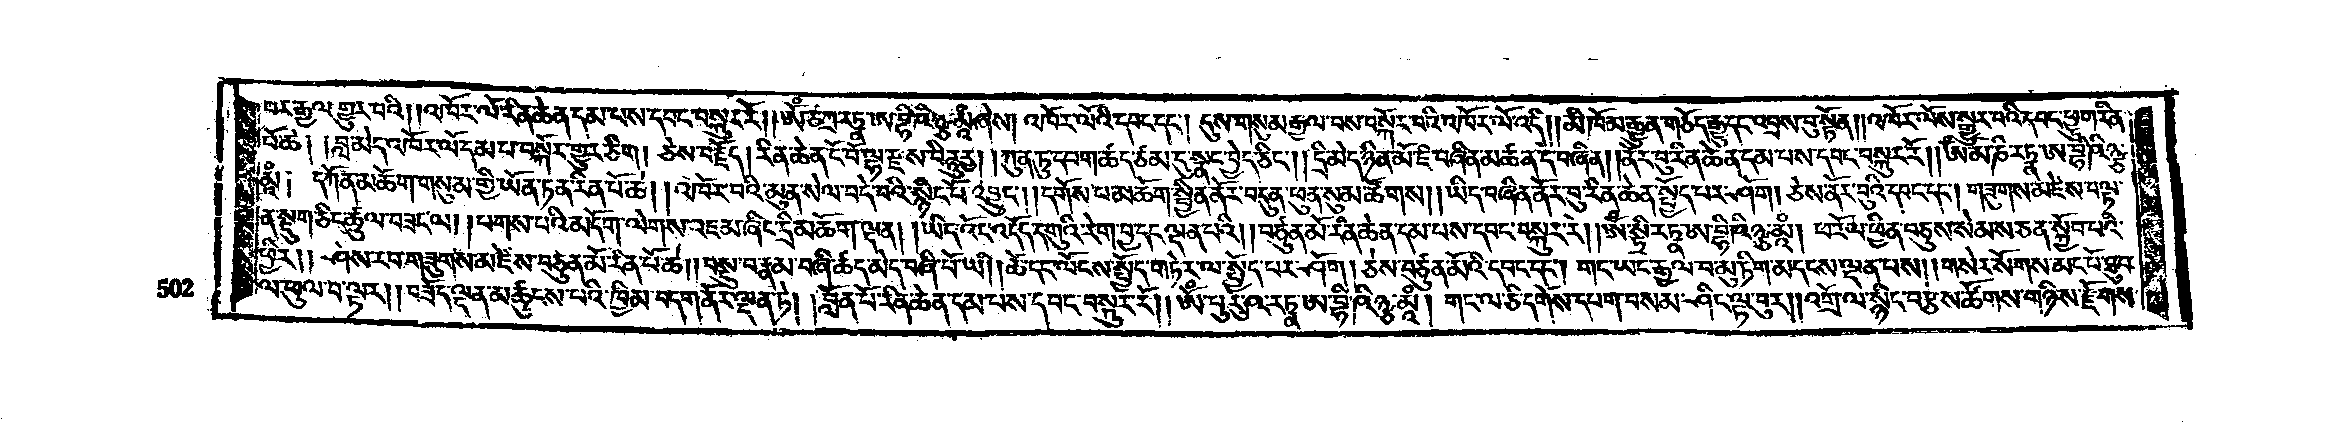པར་རྒྱལ་གྱུར་བའི། །འཁོར་ལོ་རིན་ཆེན་དམ་པས་དབང་བསྐུར་རོ། །ཨོཾ་ཙཀྲ་རཏྣ་ཨ་བྷི་ཥིཉྩ་མཱཾ་ཞེས། འཁོར་ལོའི་དབང་དང་། དུས་གསུམ་རྒྱལ་བས་བསྐོར་བའི་འཁོར་ལོ་འདི། །མི་ཁོམ་རྒྱུན་གཅོད་རྒྱུ་དང་འབྲས་བུ་སྟོན། །འཁོར་ལོས་སྒྱུར་བའི་དབང་ཕྱུག་རིན་
པོ་ཆེ། །བླ་མེད་འཁོར་ལོ་དམ་པ་བསྐོར་གྱུར་ཅིག །ཅེས་བརྗོད། རིན་ཆེན་ངོ་བོ་ལྷ་རྫས་བཻཌཱུརྱ། །ཀུན་ཏུ་དཔག་ཚད་ཙམ་དུ་སྣང་བྱེད་ཅིང་། །དྲི་མེད་ཉིན་མོ་ཇི་བཞིན་མཚན་དེ་བཞིན། །ནོར་བུ་རིན་ཆེན་དམ་པས་དབང་བསྐུར་རོ། །ཨོཾ་མ་ཎི་རཏྣ་ཨ་བྷི་ཥིཉྩ་
མཱཾ། དཀོན་མཆོག་གསུམ་གྱི་ཡོན་ཏན་རིན་པོ་ཆེ། །འཁོར་བའི་མུན་སེལ་བདེ་བའི་སྙིང་པོ་འབྱུང་། །དགོས་པ་མཆོག་སྦྱིན་ནོར་བདུན་ཕུན་སུམ་ཚོགས། །ཡིད་བཞིན་ནོར་བུ་རིན་ཆེན་སྤྱོད་པར་ཤོག །ཅེས་ནོར་བུའི་དབང་དང་། གཟུགས་མཛེས་བལྟ་
ན་སྡུག་ཅིང་ཚུལ་བཟང་ལ། །པགས་པའི་མདོག་ལེགས་འཇམ་ཞིང་དྲི་མཆོག་ལྡན། །ཡིད་འོང་འདོད་དགུའི་རེག་བྱ་དང་ལྡན་པའི། །བཙུན་མོ་རིན་ཆེན་དམ་པས་དབང་བསྐུར་རོ། །ཨོཾ་སྟྲི་རཏྣ་ཨ་བྷི་ཥིཉྩ་མཱཾ། ཕ་རོལ་ཕྱིན་བཅུས་སེམས་ཅན་སྐྱོབ་པའི་
ཕྱིར། །ཤེས་རབ་གཟུགས་མཛེས་བཙུན་མོ་རིན་པོ་ཆེ། །བསྡུ་བ་རྣམ་བཞི་ཚད་མེད་བཞི་པོ་ཡི། །ཚེ་དང་ལོངས་སྤྱོད་གཏེར་ལ་སྤྱོད་པར་ཤོག །ཅེས་བཙུན་མོའི་དབང་དང་། གང་ཡང་རྒྱལ་བ་མུ་ཏིག་མདངས་ལྡན་པས། །གསེར་སོགས་མང་པོ་ཐུབ་
ལ་ཕུལ་བ་ལྟར། །བཟོད་ལྡན་མཚུངས་པའི་ཁྱིམ་བདག་ནོར་ལྡན་ཏེ། །བློན་པོ་རིན་ཆེན་དམ་པས་དབང་བསྐུར་རོ། །ཨོཾ་པུ་རུ་ཥ་རཏྣ་ཨ་བྷི་ཥིཉྩ་མཱཾ། གང་ལ་ཅི་དགོས་དཔག་བསམ་ཤིང་ལྟ་བུར། །འགྲོ་ལ་སྙིང་བརྩེས་ཚོགས་གཉིས་རྫོགས་